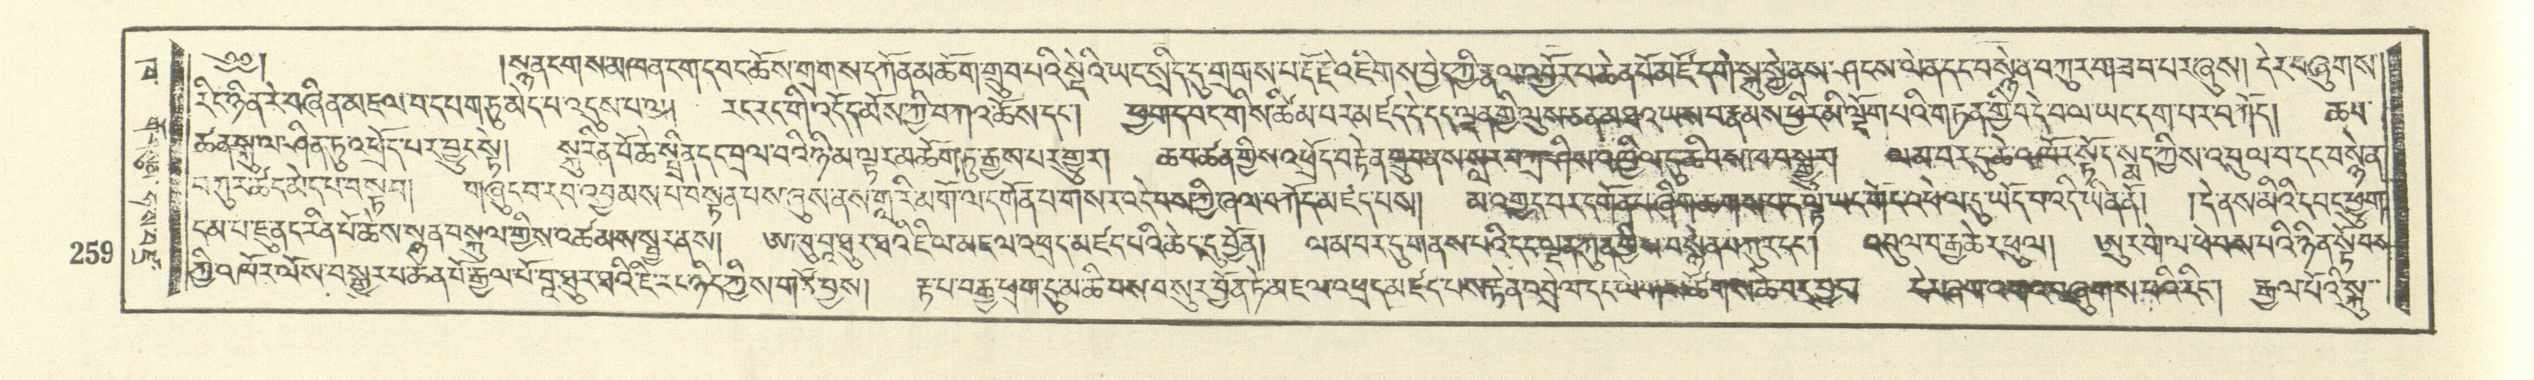༄༅། །སྙན་ངགས་མཁན་ངག་དབང་ཆོས་གྲགས་དཀོན་མཆོག་གྲུབ་པའི་སྡེའི་ཡང་སྲིད་དུ་གྲགས་པ་རྡོ་རྗེ་འཇིགས་བྱེད་ཀྱི་རྣལ་འབྱོར་པ་ཆེན་པོ་མཛོད་དགེ་སྐུ་སྐྱེ་ནས་ཤངས་ལེན་དང་བསྙེན་བཀུར་གཟབ་པར་ཞུས། དེར་བཞུགས་
རིང་ཉིན་རེ་བཞིན་མཇལ་པ་དཔག་ཏུ་མེད་པ་འདུས་པ་ལ། རང་རང་གི་འདོད་མོས་ཀྱི་བཀའ་ཆོས་དང་། ཕྱག་དབང་གིས་ཚིམ་པར་མཛད་དེ་དད་ལྡན་གྱི་ལུས་ཅན་མཐའ་ཡས་པ་རྣམས་ཕྱིར་མི་ལྡོག་པའི་གཏན་གྱི་བདེ་བ་ལ་ཡང་དག་པར་བཀོད། ཆབ་
ཚན་སྐུ་ལ་ཤིན་ཏུ་འཕྲོད་པར་བྱུང་སྟེ། སྐུ་རིན་པོ་ཆེ་སྤྲིན་དང་བྲལ་བའི་ཉི་མ་ལྟར་མཆོག་ཏུ་རྒྱས་པར་གྱུར། ཆབ་ཚན་གྱིས་འཕྲོད་བརྟེན་གྲུབ་ནས་སླར་བཀྲ་ཤིས་འཁྱིལ་དུ་ཆིབས་ཁ་བསྒྱུར། ལམ་བར་དུ་ཆེ་འཁོར་སྟོད་སྨད་ཀྱིས་འབུལ་བ་དང་བསྙེན་
བཀུར་ཚད་མེད་པ་བསྟག་གཞུང་བ་རབ་འབྱམས་པ་བསྟན་པས་ཞུས་ནས་གླ་རི་མགོ་ལ་དགོན་པ་གསར་འདེབས་ཀྱི་ཞལ་བཀོད་མཛད་པས། མ་འགྱང་བར་དགོན་པ་ཞིག་ཆགས་པ་ད་ལྟ་ཡང་གོང་འཕེལ་དུ་ཡོད་པ་འདི་ཡིན་ནོ། །དེ་ནས་མིའི་དབང་ཕྱུག་
དམ་པ་ཇུ་ནང་རིན་པོ་ཆེས་སྙན་བསྐུལ་གྱིས་འཚམས་སྦྱར་ནས། ཨ་ཁུ་བཱ་ཐུར་ཐའི་ཇི་ལ་མཇལ་འཕྲད་མཛད་པའི་ཆེད་དུ་བྱོན། ལམ་བར་དུ་གནས་པའི་དང་ལྡན་ཀུན་གྱིས་བསྙེན་བཀུར་དང་། འབུལ་བ་རྒྱ་ཆེར་ཕུལ། ཨུར་གེ་ལ་ཕེབས་པའི་ཉིན་སྟོབས་
ཀྱི་འཁོར་ལོས་བསྒྱུར་བ་ཆེན་པོ་རྒྱལ་པོ་བཱ་ཐུར་ཐའི་ཇི་རང་ཉིད་ཀྱིས་གཙོ་བྱས། རྟ་པ་བརྒྱ་ཕྲག་དུ་མ་ཆི་བས་བསུར་བྱོན་ཏེ་མཇལ་འཕྲད་མཛད་པས་རྟེན་འབྲེལ་དང་ལེགས་ཚོགས་ཆེ་བར་བྱུང་། དེར་ཞག་འགའ་བཞུགས་པའི་རིང་། རྒྱལ་པོའི་སྐུ་